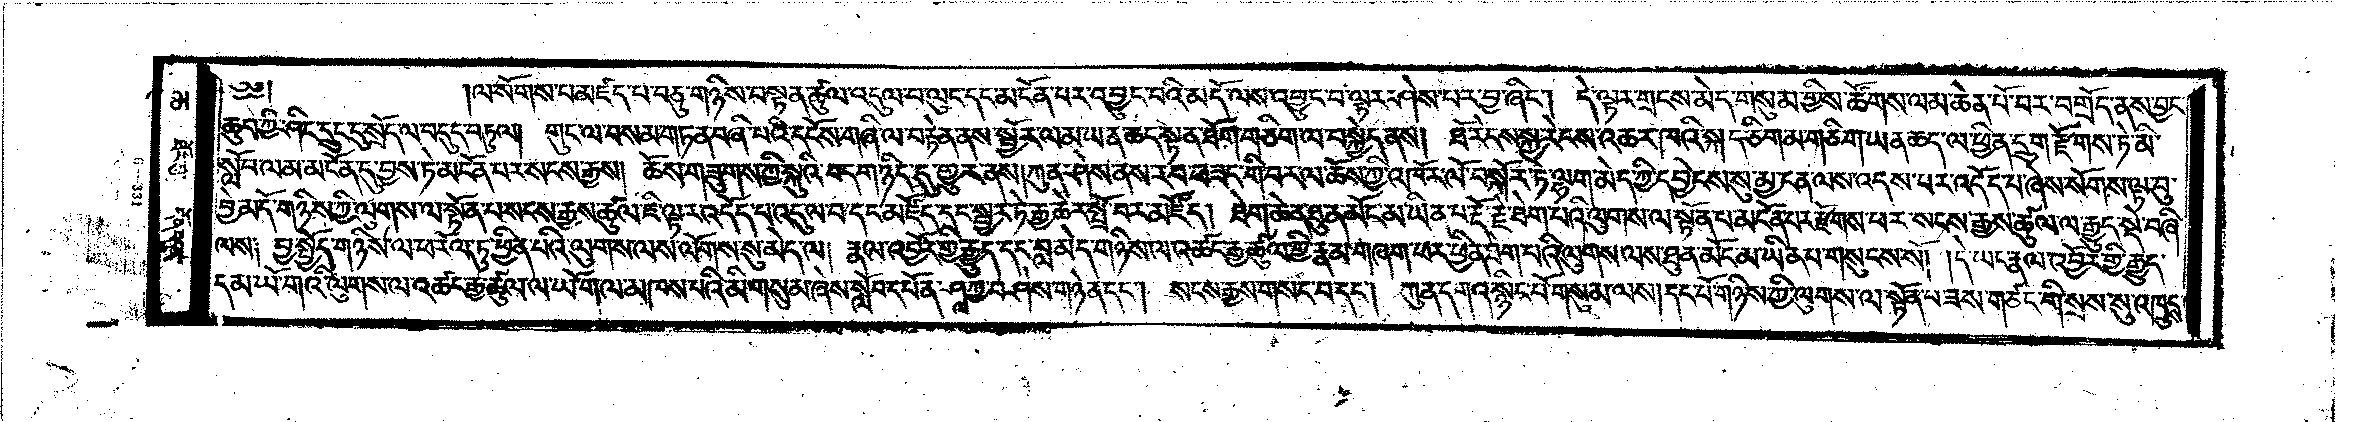༄༅། །ལ་སོགས་པ་མཛད་པ་བཅུ་གཉིས་བསྟན་ཚུལ་འདུལ་བ་ལུང་དང་མངོན་པར་འབྱུང་བའི་མདོ་ལས་འབྱུང་བ་ལྟར་ཤེས་པར་བྱ་ཞིང་། དེ་ལྟར་གྲངས་མེད་གསུམ་གྱིས་ཚོགས་ལམ་ཆེན་པོ་བར་བགྲོད་ནས་བྱང་
ཆུབ་ཀྱི་ཤིང་དྲུང་དུ་སྲོད་ལ་བདུད་བཏུལ། གུང་ལ་བསམ་གཏན་བཞི་པའི་དངོས་གཞི་ལ་བརྟེན་ནས་སྦྱོར་ལམ་ཡན་ཆད་སྟན་ཐོག་གཅིག་ལ་བསྐྱེད་ནས། ཐོ་རེངས་སྐྱ་རེངས་འཆར་ཁའི་སྐད་ཅིག་མ་གཅིག་ཡན་ཆད་ལ་ཕྱིན་དྲུག་རྫོགས་ཏེ་མི་
སློབ་ལམ་མངོན་དུ་བྱས་ཏེ་མངོན་པར་སངས་རྒྱས། ཆོས་གཟུགས་ཀྱི་སྐུའི་བདག་ཉིད་དུ་གྱུར་ནས། ཀུན་ཤེས་ནས་རབ་བཟང་གི་བར་ལ་ཆོས་ཀྱི་འཁོར་ལོ་བསྐོར་ཏེ་ལྷག་མེད་ཀྱི་དབྱེངས་སུ་མྱ་ངན་ལས་འདས་པར་འདོད་པ་ཞེས་སོགས་ལྟ་བུ་
བྱེ་མདོ་གཉིས་ཀྱི་ལུགས་ལ་སྟོན་པ་སངས་རྒྱས་ཚུལ་ཇི་ལྟར་འདོད་པ་འདུལ་བ་དང་མཛོད་དང་སྦྱར་ཏེ་རྒྱ་ཆེར་སྤྲོ་བར་མཛོད། ཐེག་ཆེན་ཐུན་མོང་མ་ཡིན་པ་རྡོ་རྗེ་ཐེག་པའི་ལུགས་ལ་སྟོན་པ་མངོན་པར་རྫོགས་པར་སངས་རྒྱས་ཚུལ་ལ་རྒྱུད་སྡེ་བཞི་
ལས༑ བྱ་སྤྱོད་གཉིས་ལ་ཕ་རོལ་ཏུ་ཕྱིན་པའི་ལུགས་ལས་ལོགས་སུ་མེད་ལ། རྣལ་འབྱོར་གྱི་རྒྱུད་དང་བླ་མེད་གཉིས་ལ་འཚང་རྒྱ་ཚུལ་གྱི་རྣམ་གཞག་ཕར་ཕྱིན་ཐེག་པའི་ལུགས་ལས་ཐུན་མོང་མ་ཡིན་པ་གསུངས་སོ། །དེ་ཡང་རྣལ་འབྱོར་གྱི་རྒྱུད་
དམ་ཡོ་གའི་ལུགས་ལ་འཚང་རྒྱ་ཚུལ་ལ་ཡོ་གལ་མཁས་པའི་མི་གསུམ་ཞེས་སློབ་དཔོན་ཤཱཀྱ་བཤེས་གཉེན་དང་། སངས་རྒྱས་གསང་བ་དང་། ཀུན་དགའ་སྙིང་པོ་གསུམ་ལས། དང་པོ་གཉིས་ཀྱི་ལུགས་ལ་སྟོན་པ་ཟས་གཙང་གི་སྲས་སུ་འཁྲུངས་